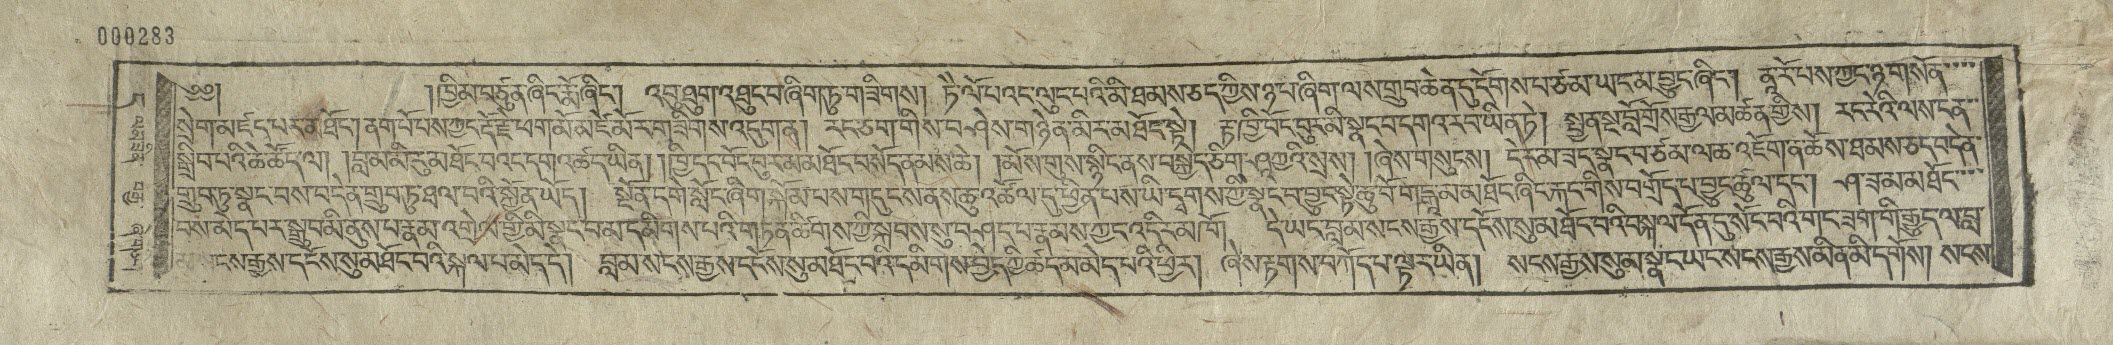༄༅། །ཁྱིམ་བཙུན་ཞིང་རྨོ་ཞིང་། འབུ་ཐུག་འཐུང་བ་ཞིག་ཏུ་གཟིགས། ཏཻ་ལོ་པའང་ལུང་པའི་མི་ཐམས་ཅད་ཀྱིས་ཉ་པ་ཞིག་ལས་གྲུབ་ཆེན་དུ་དོགས་པ་ཙམ་ཡང་མ་བྱུང་ཞིང་། ནཱ་རོ་པས་ཀྱང་ཉ་གསོན་
སྲེག་མཛད་པར་མཐོང་། ནག་པོ་པས་ཀྱང་རྡོ་རྗེ་ཕག་མོ་མཛེ་མོར་གཟིགས་འདུག་ན། རང་ཅག་གིས་བཤེས་གཉེན་མིར་མཐོང་སྟེ། རྟ་ཁྱི་བོང་བུར་མི་སྣང་བ་དགའ་རབ་ཡིན་ཏེ། སྤྱན་སྔ་བློ་གྲོས་རྒྱལ་མཚན་གྱིས། རང་རེའི་ལས་ངན་
སྒྲིབ་པའི་ཆེ་ཚོད་ལ། །བླ་མ་མི་རུ་མཐོང་བའང་དགའ་ཚད་ཡིན། །ཁྱི་དང་བོང་བུར་མ་མཐོང་བསོད་ནམས་ཆེ། །མོས་གུས་སྙིང་ནས་བསྐྱེད་ཅིག་ཤཱཀྱའི་སྲས། །ཞེས་གསུངས། དེར་མ་ཟད་སྣང་བ་ཙམ་ལ་ཆ་འཇོག་ན་ཆོས་ཐམས་ཅད་བདེན་
གྲུབ་ཏུ་སྣང་བས་བདེན་གྲུབ་ཏུ་ཐལ་བའི་སྐྱོན་ཡོད། སྔོན་དགེ་སློང་ཞིག་སྐོམ་པས་གདུངས་ནས་ཆུ་འཚོལ་དུ་ཕྱིན་པས་ཡི་དྭགས་ཀྱི་སྣང་བ་བྱུང་སྟེ་ཆུ་བོ་གངྒཱ་མ་མཐོང་ཞིང་རྐང་གིས་བགྲོད་པ་བྱུང་ཚུལ་དང་། ཤ་ཟ་མ་མཐོང་
བས་མེད་པར་སྒྲུབ་མི་ནུས་པ་རྣམ་འགྲེལ་གྱི་མི་སྣང་བ་མ་དམིགས་པའི་གཏན་ཚིགས་ཀྱི་སྐབས་སུ་བཤད་པ་རྣམས་ཀྱང་འདིར་མཁོ། དེ་ཡང་བླ་མ་སངས་རྒྱས་དངོས་སུ་མཐོང་བའི་བསྐལ་དོན་དུ་སོང་བའི་གང་ཟག་གི་རྒྱུད་ལ་བླ་
མ་སངས་རྒྱས་དངོས་སུ་མཐོང་བའི་སྐལ་པ་མེད་དེ། བླ་མ་སངས་རྒྱས་དངོས་སུ་མཐོང་བའི་དམིགས་བྱེད་ཀྱི་ཚད་མ་མེད་པའི་ཕྱིར། ཞེས་རྟགས་བཀོད་པ་ལྟར་ཡིན། སངས་རྒྱས་སུ་མ་སྣང་ཡང་སངས་རྒྱས་མིན་མི་དགོས། སངས་